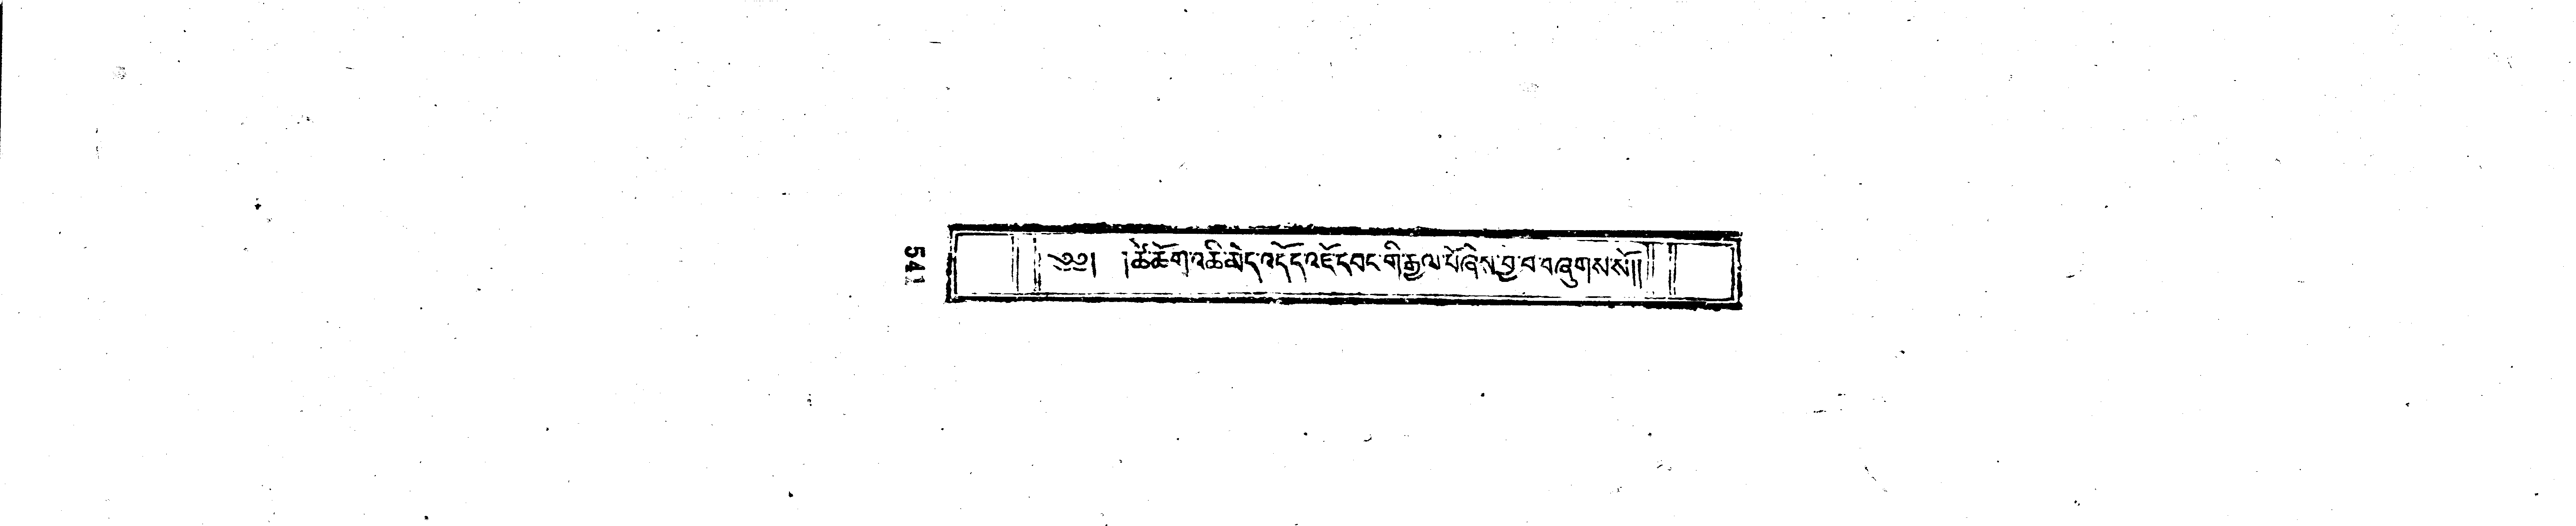༄༅། །ཚེ་ཆོག་འཆི་མེད་འདོད་འཇོ་དབང་གི་རྒྱལ་པོ་ཞེས་བྱ་བ་བཞུགས་སོ། །